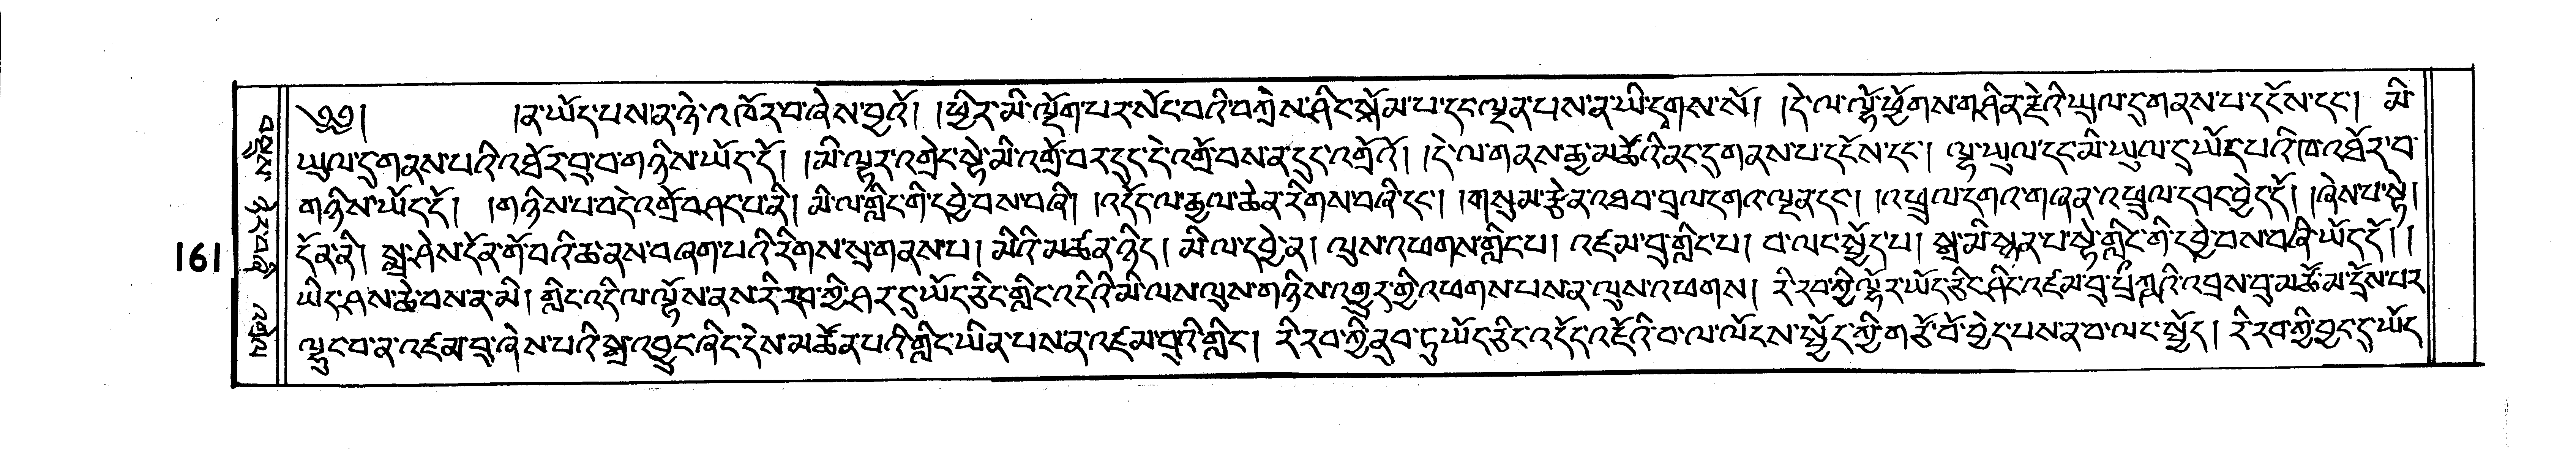༄༅། །ན་ཡོད་པས་ན་ཉེ་འཁོར་བ་ཞེས་བྱའོ། །ཕྱིར་མི་ལྡོག་པར་སོང་བའི་བཀྲེས་ཤིང་སྐོམ་པ་དང་ལྡན་པས་ན་ཡི་དྭགས་སོ། །དེ་ལ་ལྷོ་ཕྱོགས་གཤིན་རྗེའི་ཡུལ་དུ་གནས་པ་དངོས་དང་། མི་
ཡུལ་དུ་གནས་པའི་འཐོར་བུ་བ་གཉིས་ཡོད་དོ། །མི་ལྟར་འགྲེང་སྟེ་མི་འགྲོ་བར་དུད་དེ་འགྲོ་བས་ན་དུད་འགྲོའོ། །དེ་ལ་གནས་རྒྱ་མཚོའི་ནང་དུ་གནས་པ་དངོས་དང་། ལྷ་ཡུལ་དང་མི་ཡུལ་དུ་ཡོད་པའི་ཁ་འཐོར་བ་
གཉིས་ཡོད་དོ། །གཉིས་པ་བདེ་འགྲོ་བཤད་པ་ནི། མི་ལ་གླིང་གི་དབྱེ་བས་བཞི། །འདོད་ལ་རྒྱལ་ཆེན་རིགས་བཞི་དང་། །གསུམ་རྩེན་འཐབ་བྲལ་དགའ་ལྡན་དང་། །འཕྲུལ་དགའ་གཞན་འཕྲུལ་དབང་བྱེད་དོ། །ཞེས་པ་སྟེ།
དོན་ནི། སྨྲ་ཤེས་དོན་གོ་བའི་ཆ་ནས་བཞག་པའི་རིགས་སུ་གནས་པ། མིའི་མཚན་ཉིད། མི་ལ་དབྱེ་ན། ལུས་འཕགས་གླིང་པ། འཛམ་བུ་གླིང་པ། བ་ལང་སྤྱོད་པ། སྒྲ་མི་སྙན་པ་སྟེ་གླིང་གི་དབྱེ་བས་བཞི་ཡོད་དོ། །
ཡིད་ཤས་ཆེ་བས་ན་མི། གླིང་འདི་ལ་ལྟོས་ནས་རི་རབ་ཀྱི་ཤར་དུ་ཡོད་ཅིང་གླིང་འདིའི་མི་ལས་ལུས་གཉིས་འགྱུར་གྱི་འཕགས་པས་ན་ལུས་འཕགས། རི་རབ་ཀྱི་ལྷོར་ཡོད་ཅིང་ཤིང་འཛམ་བུ་པྲྀཀྵའི་འབྲས་བུ་མཚོ་མ་དྲོས་པར་
ལྷུང་བ་ན་འཛམ་བུ་ཞེས་པའི་སྒྲ་འབྱུང་ཞིང་དེས་མཚོན་པའི་གླིང་ཡིན་པས་ན་འཛམ་བུའི་གླིང་། རི་རབ་ཀྱི་ནུབ་ཏུ་ཡོད་ཅིང་འདོད་འཇོའི་བ་ལ་ལོངས་སྤྱོད་ཀྱི་གཙོ་བོ་བྱེད་པས་ན་བ་ལང་སྤྱོད། རི་རབ་ཀྱི་བྱང་དུ་ཡོད་